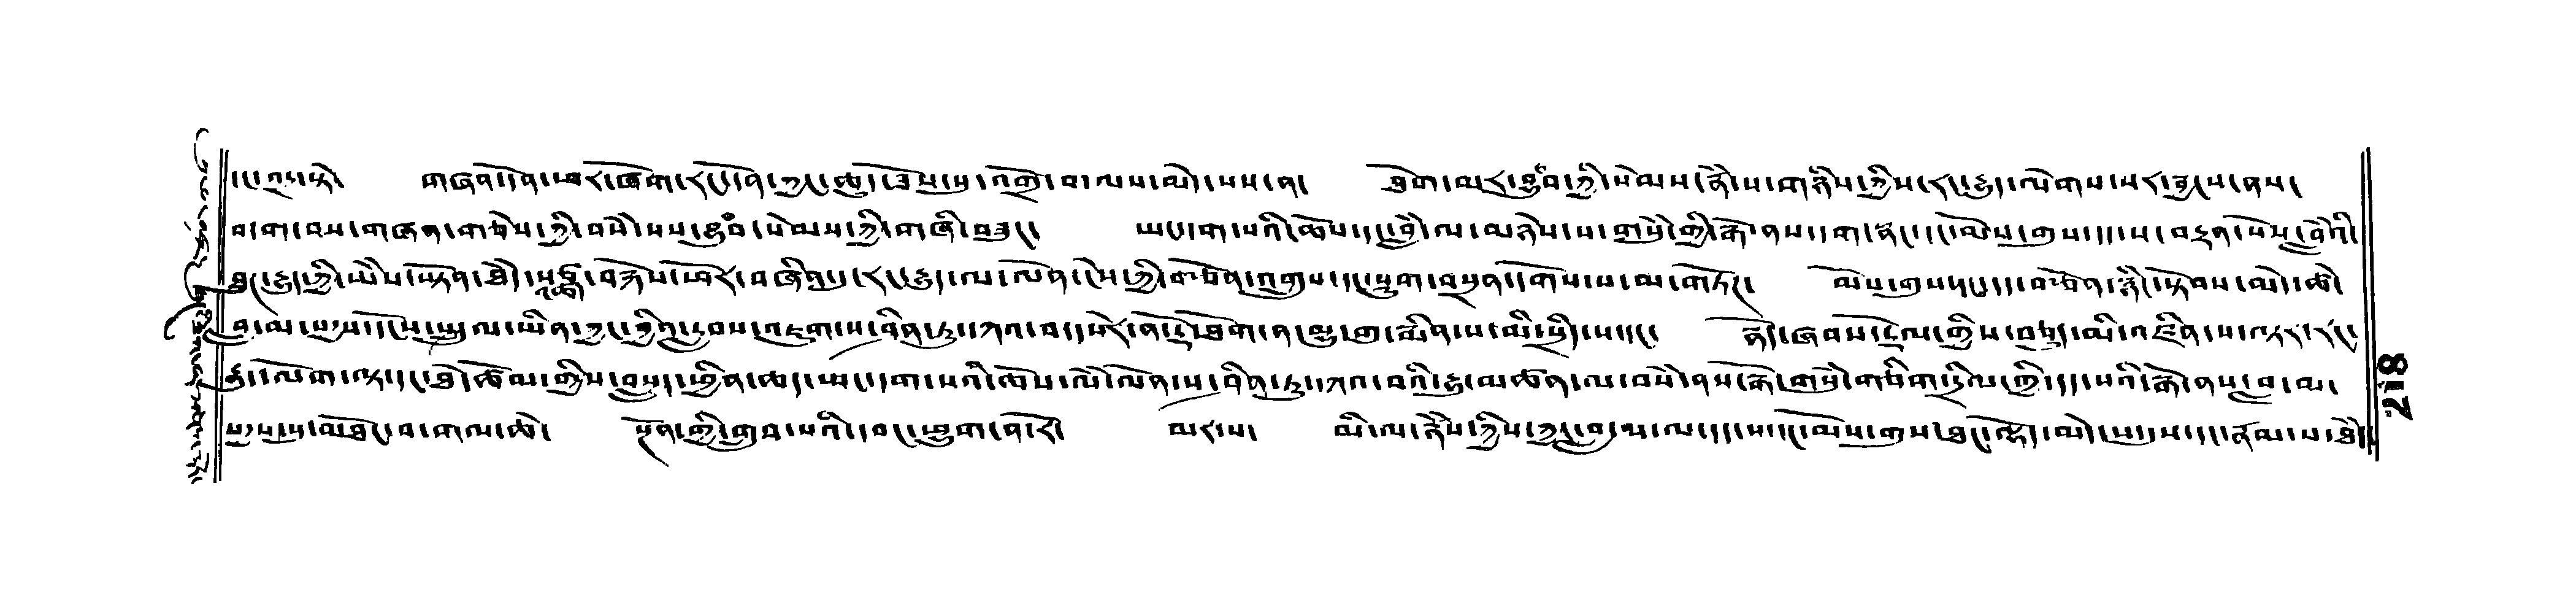དང་འདྲ་སྟེ། གཞན་དོན་ཕར་ཞོག་རང་དོན་ཀྱང་ཆུད་ཟོས་དུ་འགྲོ་བ་ལས་མེད་པས་ན། ཐོག་མར་བྱང་ཆུབ་ཀྱི་སེམས་རྣམ་པ་གཉིས་ཀྱིས་རང་རྒྱུད་ལེགས་པར་སྦྱངས་ནས་། 
བདག་བས་གཞན་གཅེས་ཀྱི་བསམ་པས་བྱང་ཆུབ་སེམས་ཀྱི་གཞི་བཟུང་། ཡང་དག་པའི་ཆོས་དང་བླ་མ་མཉེས་པ་གསུམ་གྱི་སྒོ་ནས་དག་སྣང་དང་མོས་གུས། དད་པ་བརྟན་པོས་བླ་མའི་
ཐུགས་རྒྱུད་ཀྱི་ཡེ་ཤེས་ཡོན་ཏན་ཐམས་ཅད་སཱཙྪ་དང་བསྐོས་ཕོར་བཞིན་དུ་རང་རྒྱུད་ལ་ལོན་ངེས་ཀྱི་བརྩོན་འགྲུས་དང་སྡུག་བསྲན་དགོས་པ་མ་གཏོགས། མོས་གུས་དང་དད་བརྩོན་སྙིང་སྟོབས་མེད་ཚེ་
བླ་མ་སངས་རྒྱས་དངོས་སྤྲུལ་ཡིན་ཀྱང་བྱིན་རླབས་འཇུག་པ་ཤིན་ཏུ་དཀའ་བ་དཔེར་ན་རྡོ་ཐོག་ན་མྱུ་གུ་སྨིན་པ་མི་སྲིད་པ་དང་། སྣོད་ཞབས་རྡོལ་གྱིས་བཅུད་མི་འཛིན་པ་ལྟར་རང་
རྒྱུད་ལོག་ལྟ་དང་ཐེ་ཚོམ་གྱིས་བསླད་ཕྱིན་ཆད་ཡང་དག་པའི་ཆོས་ལམ་ལོན་པ་ཤིན་ཏུ་དཀའ་བའི་རྒྱུ་མཚན་ལ་བསམ་ནས་སྒོ་གསུམ་གཅིག་དྲིལ་གྱི་དད་པའི་སྒོ་ནས་བླ་མ་
སངས་རྒྱས་སུ་མཐོང་བ་གལ་ཆེ། སྔོན་གྱི་གྲུབ་པའི་དབང་ཕྱུག་ན་རོ། མར་པ། མི་ལ་རྣམས་ཀྱིས་ཀྱང་བླ་མ་ལ་དད་པ་དང་མོས་གུས་ཐང་ལྷོད་མེད་པར་དུས་དང་རྣམ་པ་ཐམས་ཅད་